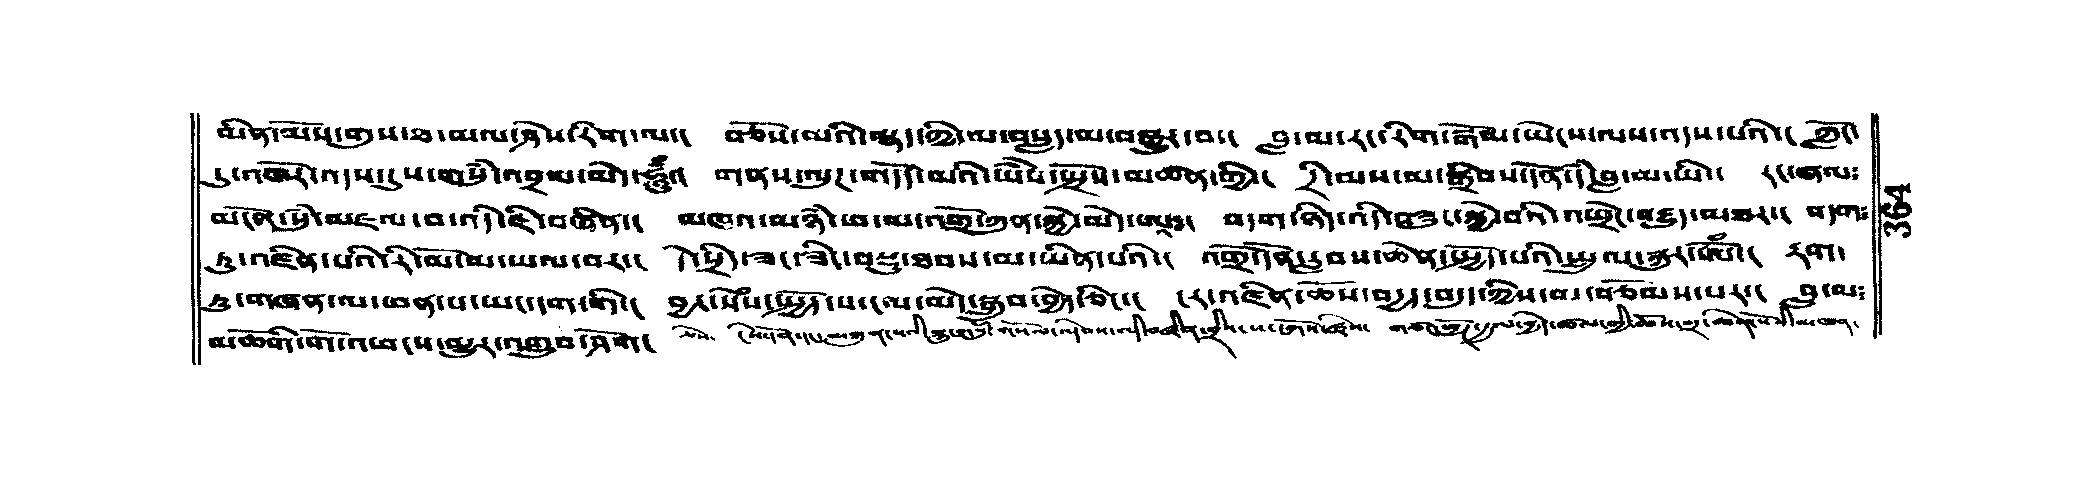མིན་མོས་གུས་ཐ་མལ་ཤེས་རིག་ལ། །བཅོས་མའི་ལྷད་ཀྱི་མ་བསླད་མ་བསྒྱུར་བ། །བླ་མ་རང་རིག་སྒོམ་ཡེངས་ལས་འདས་པའི། །ཀློང་
དུ་འཁོར་འདས་དུས་གསུམ་འབྲལ་མེད་ཧཱུྃ། །གནས་ལུགས་གདོད་མའི་ཡེ་ཤེས་སྤྲོས་མཚན་གྱི། །དྲི་མས་མ་སྒྲིབས་དོན་དམ་བླ་མ་ཡི། །རང་ཞལ་
མངོན་གསུམ་མཇལ་བ་འདི་ཇི་བཞིན། །མཁའ་མཉམ་ཕ་མ་འགྲོ་ཀུན་སྐྱེ་མེད་ཨཱཿ །བདག་ཉིད་འདི་བཟུང་སྐྱེ་བའི་འཕྲེང་བརྒྱུད་མཐར། །བདག་
ཏུ་འཛིན་པའི་རི་མོ་མ་ཡལ་བར། །དེ་སྲིད་ཟང་ཟིང་བསྡུ་ཐབས་མ་ཡིན་པའི། །འགྲོ་དོན་རླབས་ཆེན་སྤྱོད་པའི་སྤྲུལ་སྐུར་ཨོཾ། །རྟག་
ཏུ་གཞན་ལ་ཕན་པ་ཡང་དག་གི །བྱང་སེམས་སྤྱོད་པ་ངལ་མེད་སྒྲུབ་བྱེད་ཅིང་། །ངར་འཛིན་ཆོས་བརྒྱད་བདུད་ཀྱིས་མ་བཅོམས་པར། །བླ་མ་
མཆོག་གི་གོ་འཕང་མྱུར་འགྲུབ་ཤོག ཅེས་ངེས་དོན་དང་མཐུན་པའི་སྐུ་གསུམ་གསོལ་འདེབས་འདི་བཞིན་བྲི་དགོས་ཞེས། གཙང་ཕྱོགས་རྒྱལ་བྱེད་ཚལ་གྱི་ཆོས་གྲྭ་ཆེན་པོའི་མཁན་